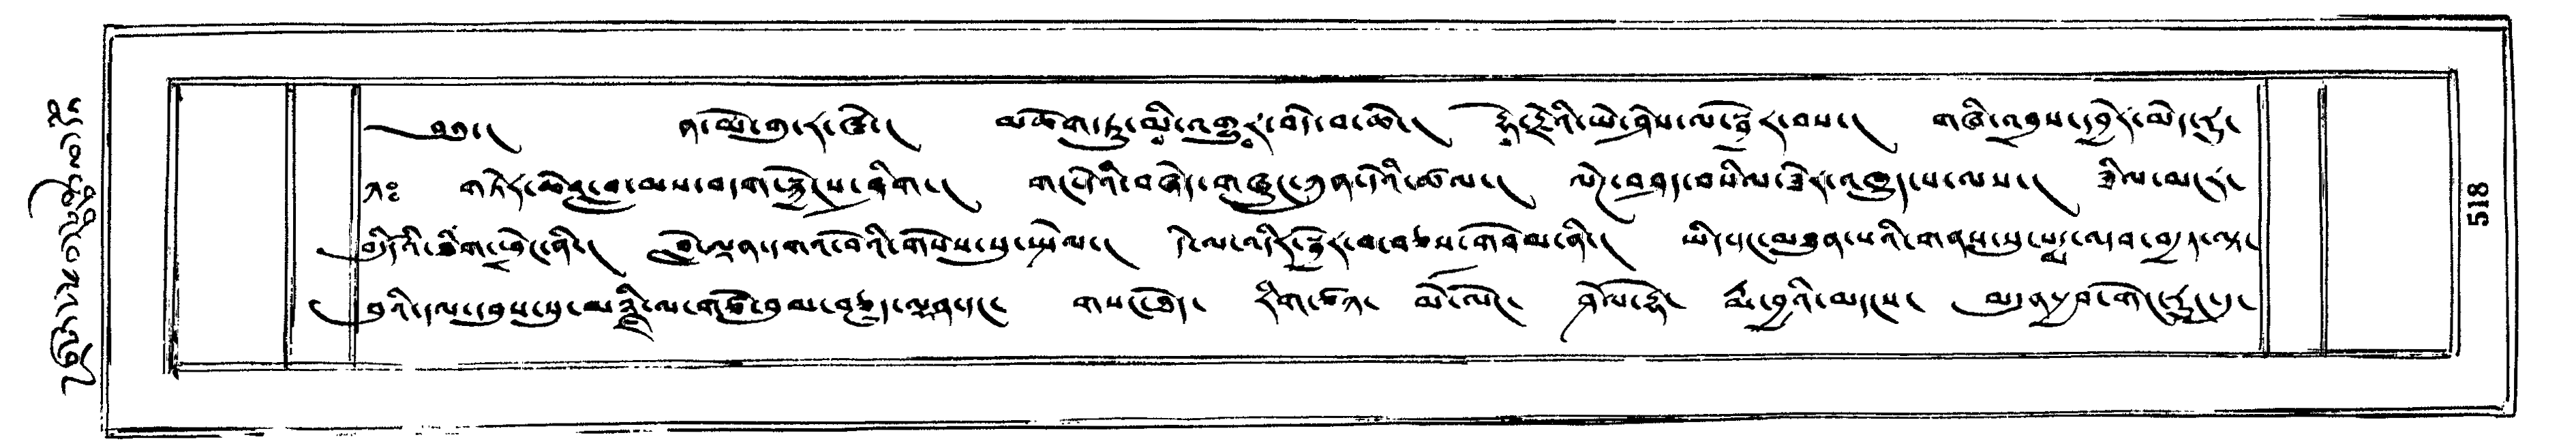ན་མོ་གུ་ར་ཝེ། མཆོག་ཏུ་མི་འགྱུར་བདེ་བ་ཆེ། །རྡོ་རྗེའི་ཡེ་ཤེས་ལ་སྦྱོར་བས། །གཞི་འབྲས་དབྱེར་མེད་ཧེ་རུ་
ཀཿ །གཏེར་ཆེན་བླ་མས་བདག་སྐྱོངས་ཤིག །གང་དེའི་བཞེད་གཞུང་ཀུན་དའི་ཚལ། །ལེགས་བཤད་བསིལ་ཟེར་འཁྱུད་པ་ལས། །ཟིལ་མངར་
བདུད་རྩིའི་ཐིགས་ཕྲེང་ནི། །བློ་ལྡན་དགའ་བོའི་གསོས་སུ་སྤེལ། དེ་ལ་འདིར་སྦྱོར་བ་བཅའ་གཤོམ་ནི། ཡིད་དང་མཐུན་པའི་གནས་སུ་པདྨ་འདབ་བརྒྱད་ལྟ་
བུའི་དལ་དབུས་སུ་མཉྫི་ལ་གཙོ་བུམ་བཅུད་ལྡན་དང་། གསང་ཐོད། རིག་ཙཀ། མེ་ལོང་། ཤེལ་རྡོ། རྨ་བྱའི་མདངས། མདུན་རྒྱབ་གང་རུང་དུ་